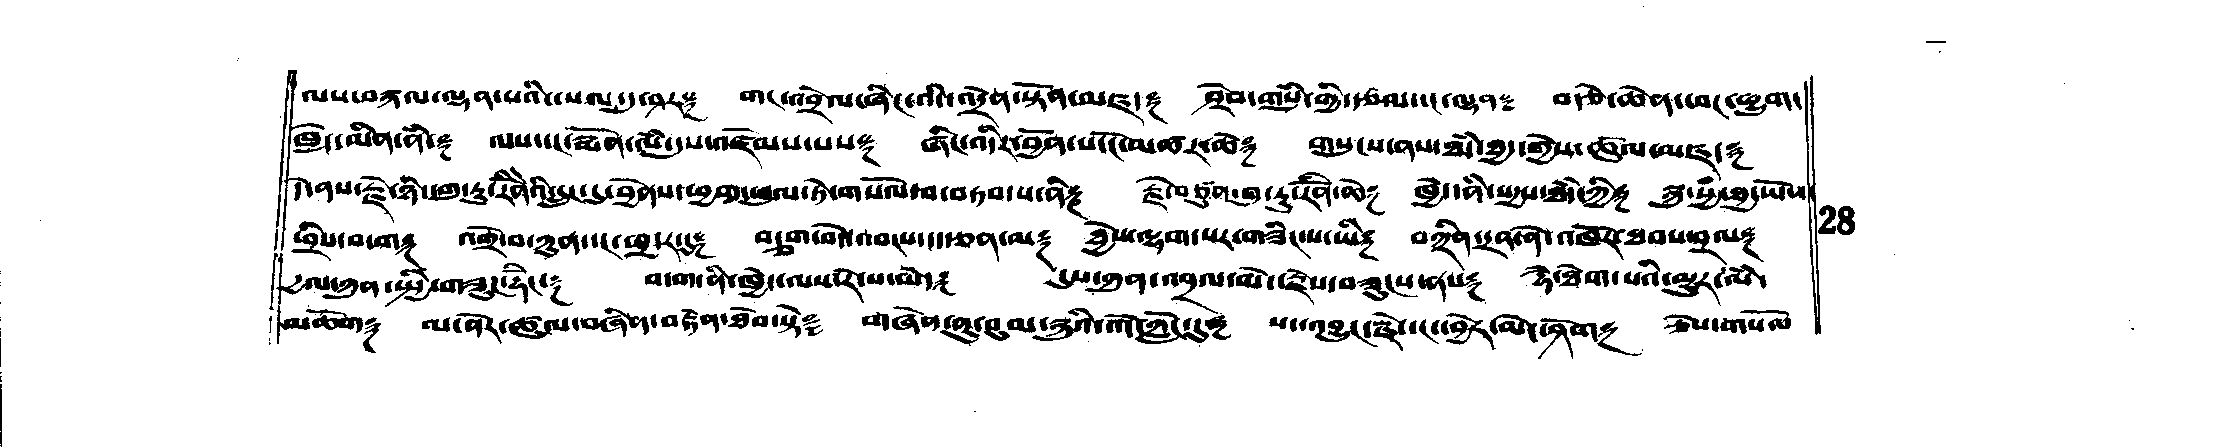།ལས་སྐལ་ལྡན་པའི་དཔལ་དུ་ཤར། །གང་འབྲེལ་ཞིང་འདིར་འདྲེན་སྟོན་མཛད། །ཤེས་རབ་གསུམ་གྱི་རྩལ་དང་ལྡན། །བརྩེ་ཆེན་དབང་ཕྱུག་
ཁྱེད་མིན་ནམ། །ལས་དང་སྨོན་ལམ་དུས་འཛོམས་པས། །ཞིང་འདིར་བྱོན་པ་ངོ་མཚར་ཆེ། །གསུངས་ནས་ཐམས་ཅད་ཐུགས་དགྱེས་ཚུལ་མཛད། 
དེ་ནས་རྗེ་ཉིད་གུ་རུ་རིན་པོ་ཆེའི་དྲུང་དུ་བྱོན་ནས་ཕྱག་ཕུལ་ཏེ་གསོལ་བ་བཏབ་པ་ནི། རྗེ་བཙུན་གུ་རུ་རིན་པོ་ཆེ། །ཁྱོད་ནི་སངས་རྒྱས་ཐམས་ཅད་ཀྱི། །སྐུ་གསུང་ཐུགས་ཡོན་
ཕྲིན་ལས་བདག །འགྲོ་བ་ཀུན་དང་ཁྱད་པར་དུ། །བདག་ཅག་བོད་འབངས་དད་ཅན་ལ། །ཐུགས་རྗེས་ལྷག་པར་གཟིགས་པ་ཡི། །བཀའ་དྲིན་དྲན་ནོ་འཁོར་ཐབས་བྲལ། །
རྒྱལ་ཀུན་སྤྱི་གཟུགས་རྡོ་རྗེ་འཆང་། །བདག་ནི་ཁྱེད་ལས་རེ་ས་མེད། །དུས་ཀུན་འབྲལ་མེད་རྗེས་བཟུང་ནས། །རྡོ་རྗེ་ཐེག་པའི་མྱུར་ལམ་
མཆོག །མ་ནོར་ཚུལ་བཞིན་བརྟེན་ཐོབ་སྟེ། །གཞོན་ནུ་བུམ་སྐུའི་འོད་ཀློང་དུ། །པད་འབྱུང་རྗེ་དང་དབྱེར་མེད་ཤོག །ཅེས་གསོལ་